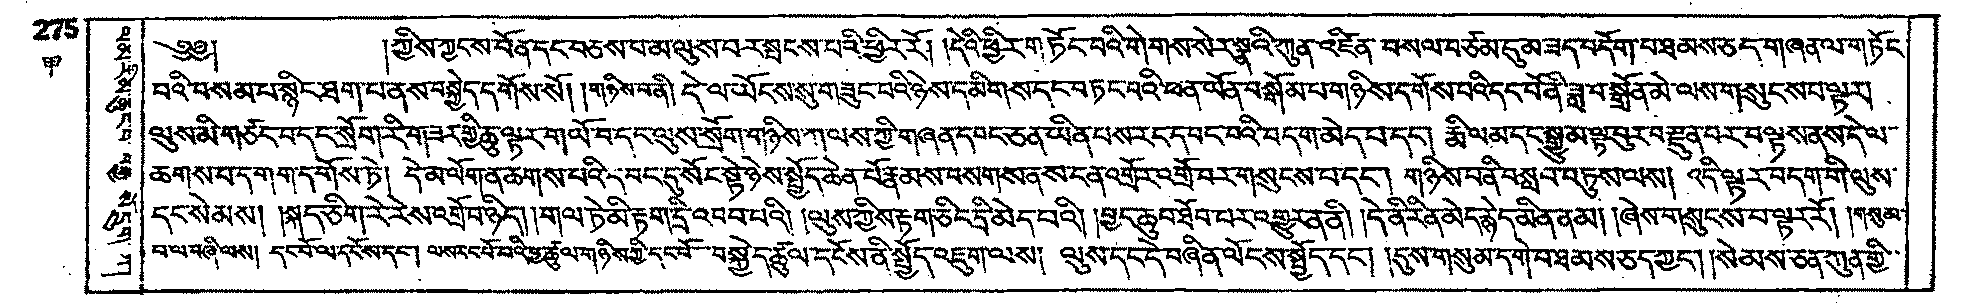༄༅། །ཀྱིས་ཀྱང་ས་བོན་དང་བཅས་པ་མ་ལུས་པར་སྤངས་པའི་ཕྱིར་རོ། །དེའི་ཕྱིར་གཏོང་བའི་གེགས་སེར་སྣའི་ཀུན་འཛིན་བསལ་བ་ཙམ་དུ་མ་ཟད་བདོག་པ་ཐམས་ཅད་གཞན་ལ་གཏོང་
བའི་བསམ་པ་སྙིང་ཐག་པ་ནས་བསྐྱེད་དགོས་སོ། །གཉིས་པ་ནི།  དེ་ལ་ཡོངས་སུ་གཟུང་བའི་ཉེས་དམིགས་དང་བཏང་བའི་ཕན་ཡོན་བསྒོམ་པ་གཉིས་དགོས་པའི་དང་པོ་ནི་ཟླ་བ་སྒྲོན་མེ་ལས་གསུངས་པ་ལྟར།
ལུས་མི་གཙང་བ་དང་སྲོག་རི་གཟར་གྱི་ཆུ་ལྟར་གཡོ་བ་དང་ལུས་སྲོག་གཉིས་ཀ་ལས་ཀྱི་གཞན་དབང་ཅན་ཡིན་པས་རང་དབང་བའི་བདག་མེད་པ་དང་། རྨི་ལམ་དང་སྒྱུ་མ་ལྟ་བུར་བརྫུན་པར་བལྟས་ནས་དེ་ལ་
ཆགས་པ་དགག་དགོས་ཏེ། དེ་མ་ལོག་ན་ཆགས་པའི་དབང་དུ་སོང་སྟེ་ཉེས་སྤྱོད་ཆེན་པོ་རྣམས་བསགས་ནས་ངན་འགྲོར་འགྲོ་བར་གསུངས་པ་དང་། གཉིས་པ་ནི་བསླབ་བཏུས་ལས། འདི་ལྟར་བདག་གི་ལུས་
དང་སེམས། །སྐད་ཅིག་རེ་རེས་འགྲོ་བ་ཉིད། །གལ་ཏེ་མི་རྟག་དྲི་འབབ་པའི། །ལུས་ཀྱིས་རྟག་ཅིང་དྲི་མེད་པའི། །བྱང་ཆུབ་ཐོབ་པར་འགྱུར་ན་ནི། །དེ་ནི་རིན་མེད་རྙེད་མིན་ནམ། །ཞེས་གསུངས་པ་ལྟར་རོ། །གསུམ་
བ་ལ་བཞི་ལས། དང་པོ་ལ་དངོས་དང་། ལས་དང་པོ་པའི་བྱ་ཚུལ་གཉིས་ཀྱི་དང་པོ་བསྐྱེད་ཚུལ་དངོས་ནི་སྤྱོད་འཇུག་ལས། ལུས་དང་དེ་བཞིན་ལོངས་སྤྱོད་དང་། །དུས་གསུམ་དགེ་བ་ཐམས་ཅད་ཀྱང་། །སེམས་ཅན་ཀུན་གྱི་